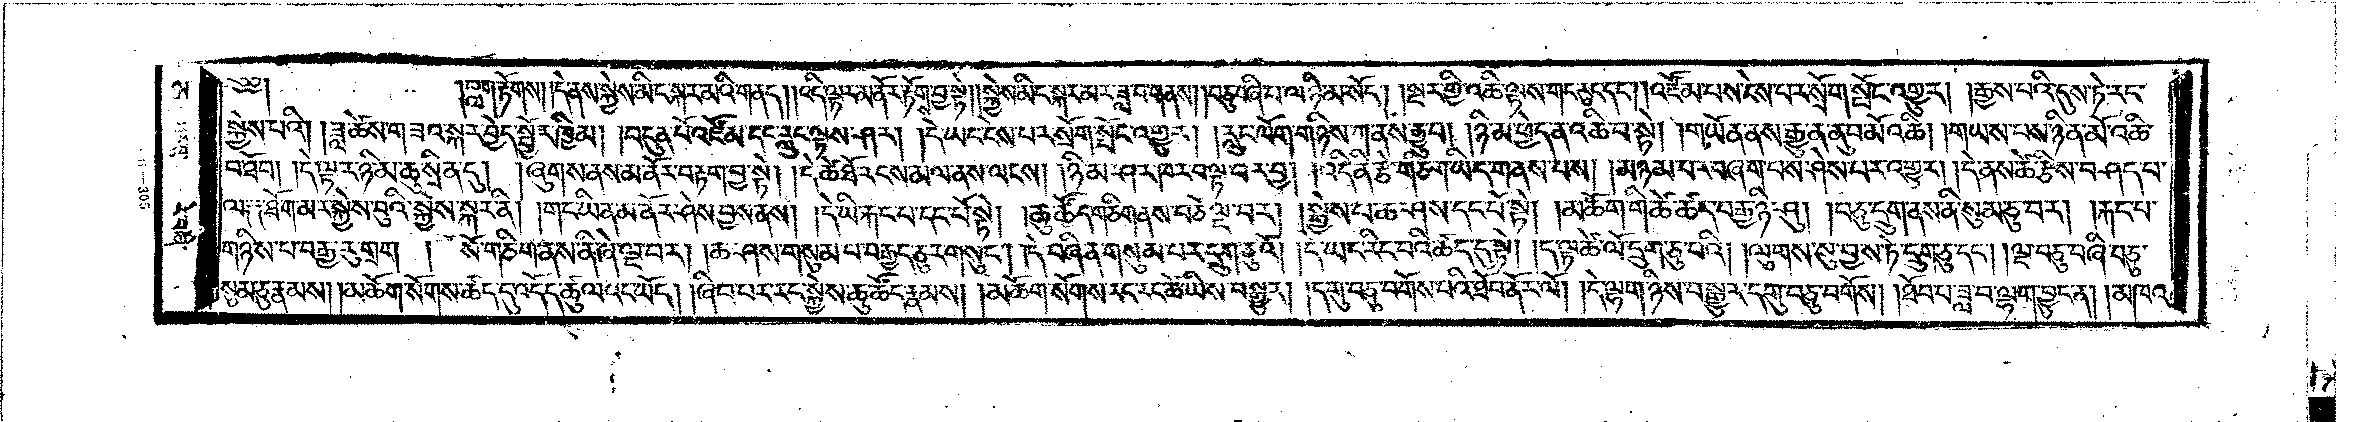༄༅། །བླག་རྟོགས། །དེ་ནས་སྐྱེས་མིང་སྐར་མའི་གནད། །འདི་ལྟར་མ་ནོར་རྟོགས་བྱ་སྟེ། །སྐྱེས་མིང་སྐར་མར་ཟླ་བ་གནས། །བཅུ་བཞི་པ་ལ་ཉི་མ་སོང་། །སྔར་གྱི་འཆི་ལྟས་གང་རུང་དང་། །འཛོམས་པས་ངེས་པར་སྲོག་སྤོང་འགྱུར། །རྒྱས་པའི་དུས་ཏེ་རང་
སྐྱེས་པའི། །ཟླ་ཚེས་གཟའ་སྐར་བྱེད་སྦྱོར་ཁྱིམ། །བདུན་པོ་འཛོམ་དང་རླུང་ལྟས་ཤར། །དེ་ཡང་ངེས་པར་སྲོག་སྤོང་འགྱུར། །རླུང་ལོག་གཉིས་ཀ་ནས་རྒྱུ་བ། །ཉི་མ་ཕྱེད་ན་འཆི་བ་སྟེ། །གཡོན་ནས་རྒྱུ་ན་ནུབ་མོ་འཆི། །གཡས་པས་ཉིན་མོ་འཆི་
བ་ཐོབ། །དེ་ལྟར་ཉི་མ་ཆུ་སྲིན་དུ། །ཞུགས་ནས་མ་ནོར་བརྟག་བྱ་སྟེ། །དེ་ཚེ་ཐོ་རངས་མལ་ནས་ལངས། །ཉི་མ་ཤར་ཁར་བལྟ་བར་བྱ། །འདི་ནི་རྩེ་གཅིག་ཡིད་གནས་པས། །མཉམ་པར་བཞག་པས་ཤེས་པར་འགྱུར། །དེ་ནས་ཚེ་རྩིས་བཤད་པ་
ལ༑ ༑ཐོག་མར་སྐྱེས་བུའི་སྐྱེས་སྐར་ནི། །གང་ཡིན་མ་ནོར་ཤེས་བྱས་ནས། །དེ་ཡི་རྐང་པ་དང་པོ་སྟེ། །ཆུ་ཚོད་གཅིག་ནས་བཅོ་ལྔ་བར། །སྐྱེས་པ་ཆ་ཤས་དང་པོ་སྟེ། །མཆོག་གི་ཚེ་ཚད་བརྒྱ་ཉི་ཤུ། །བཅུ་དྲུག་ནས་ནི་སུམ་ཅུ་བར། །རྐང་པ་
གཉིས་པ་བརྒྱ་རུ་གྲག ། སོ་གཅིག་ནས་ནི་ཞེ་ལྔ་བར། །ཆ་ཤས་གསུམ་པ་བརྒྱད་ཅུར་གསུང་། །དེ་བཞིན་གསུམ་པར་དྲུག་ཅུའོ། །དེ་ཡང་རིང་བའི་ཚད་དུ་སྟེ། །ད་ལྟ་ཚེ་ལོ་དྲུག་ཅུ་པའི། །ལུགས་སུ་བྱས་ཏེ་དྲུག་ཅུ་དང་། །ལྔ་ཅུ་བཞི་བཅུ་
སུམ་ཅུ་རྣམས། །མཆོག་སོགས་ཚད་དུ་འདོད་ཚུལ་འང་ཡོད། །ཞིབ་པར་རང་སྐྱེས་ཆུ་ཚོད་རྣམས། །མཆོག་སོགས་རང་རང་ཚེ་ཡིས་བསྒྱུར། །དགུ་བཅུ་བགོས་པའི་ཐོབ་ནོར་ལོ། །དེ་ལྷ་གཉིས་བསྒྱུར་དགུ་བཅུ་པ་གོས། །ཐོབ་པ་ཟླ་བ་ལྷག་བྱུང་ན། །མཁའ་